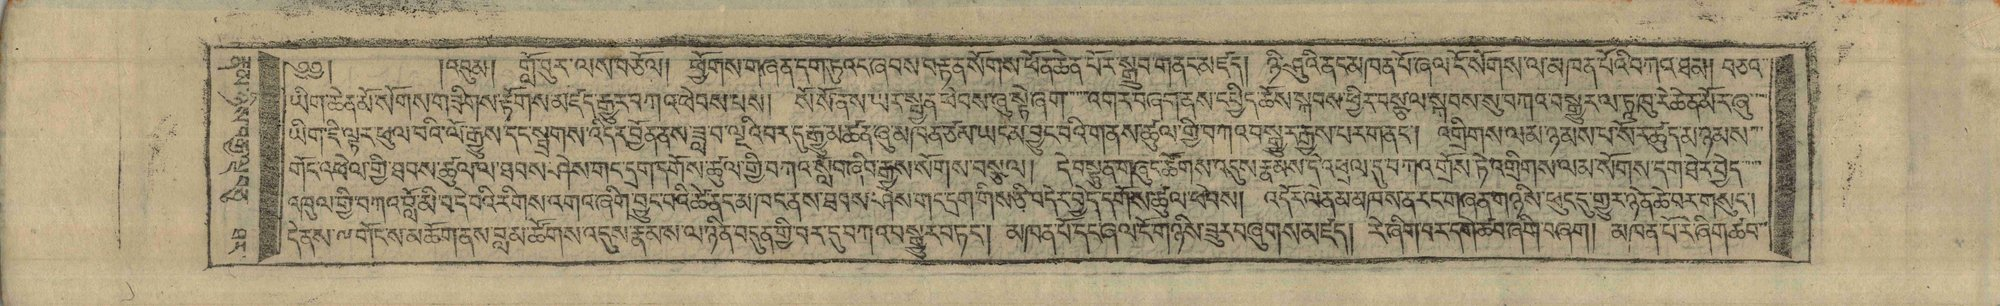༄༅། །འབུམ། གློ་བུར་ལས་བཅོལ། ཕྱོགས་གཞན་དག་ཏུའང་ཞབས་བརྟན་སོགས་ཕོན་ཆེན་པོར་སྒྲུབ་གནང་མཛད། ཉི་ཤུའི་ནང་མཁན་པོ་ཞལ་ངོ་སོགས་ལ་མཁན་པོའི་བཀའ་ཐམ། བཅའ་
ཡིག་ཆེན་མོ་སོགས་གཟིགས་རྟོགས་མཛད་རྒྱུར་བཀའ་ཕེབས་པས། སོ་སོ་ནས་ཡར་སྤྱན་ཕེབས་ཞུ་སྟེ་ཞག་འགར་བཞག་ནས་དཔྱིད་ཆོས་སྐབས་ཕྱིར་བསྩལ་སྐབས་སུ་བཀའ་བསྒྱུར་ལ་ཏཱ་ཁུ་རེ་ཆེན་མོར་ཞུ་
ཡིག་ཇི་ལྟར་ཕུལ་བའི་ལོ་རྒྱུས་དང་སྦྲགས་འདིར་བྱོན་ནས་ཟླ་བ་ལྔའི་བར་དུ་རྒྱུ་མཚན་ཞུ་མཁན་ཙམ་ཡང་མ་བྱུང་བའི་གནས་ཚུལ་གྱི་བཀའ་བསྒྱུར་རྒྱས་པར་གནང་། འགྲིགས་ལམ་ཉམས་པ་སོར་ཚུད་མ་ཉམས་
གོང་འཕེལ་གྱི་ཐབས་ཚུལ་ལ་ཐབས་ཤེས་གང་དྲག་དགོས་ཚུལ་གྱི་བཀའ་སློབ་ཞིབ་རྒྱས་སོགས་བསྩལ། དེ་བསྟུན་གཞུང་ཚོགས་འདུས་རྣམས་དེ་འཕྲལ་དུ་བཀའ་གྲོས་ཏེ་འགྲིགས་ལམ་སོགས་དག་ཐེར་བྱེད་
འཁུལ་གྱི་བཀའ་བློ་མི་བདེ་བའི་རིགས་འགའ་ཞིག་བྱུང་བའི་ཚེ་ནང་མ་ཁང་ནས་ཐབས་ཤེས་གང་དྲག་གིས་ཅི་བདེར་བྱེད་དགོས་ཚུལ་ཕེབས། འདོར་ལེན་མ་མཁས་ན་རང་གཞན་གཉིས་ཕུང་དུ་གྱུར་ཉེན་ཆེ་བར་གསུང་།
དེ་ནས་༧གོང་ས་མཆོག་ནས་བླ་མ་ཚོགས་འདུས་རྣམས་ལ་ཉིན་བདུན་གྱི་བར་དུ་བཀའ་བསྒྱུར་བཏང་། མཁན་པོ་དང་ཞལ་ངོ་གཉིས་ཟུར་བཞུགས་མཛད། རེ་ཞིག་བར་དགེ་ཚབ་ཞིག་བཞག །མཁན་པོ་རེ་ཞིག་ཚབ་